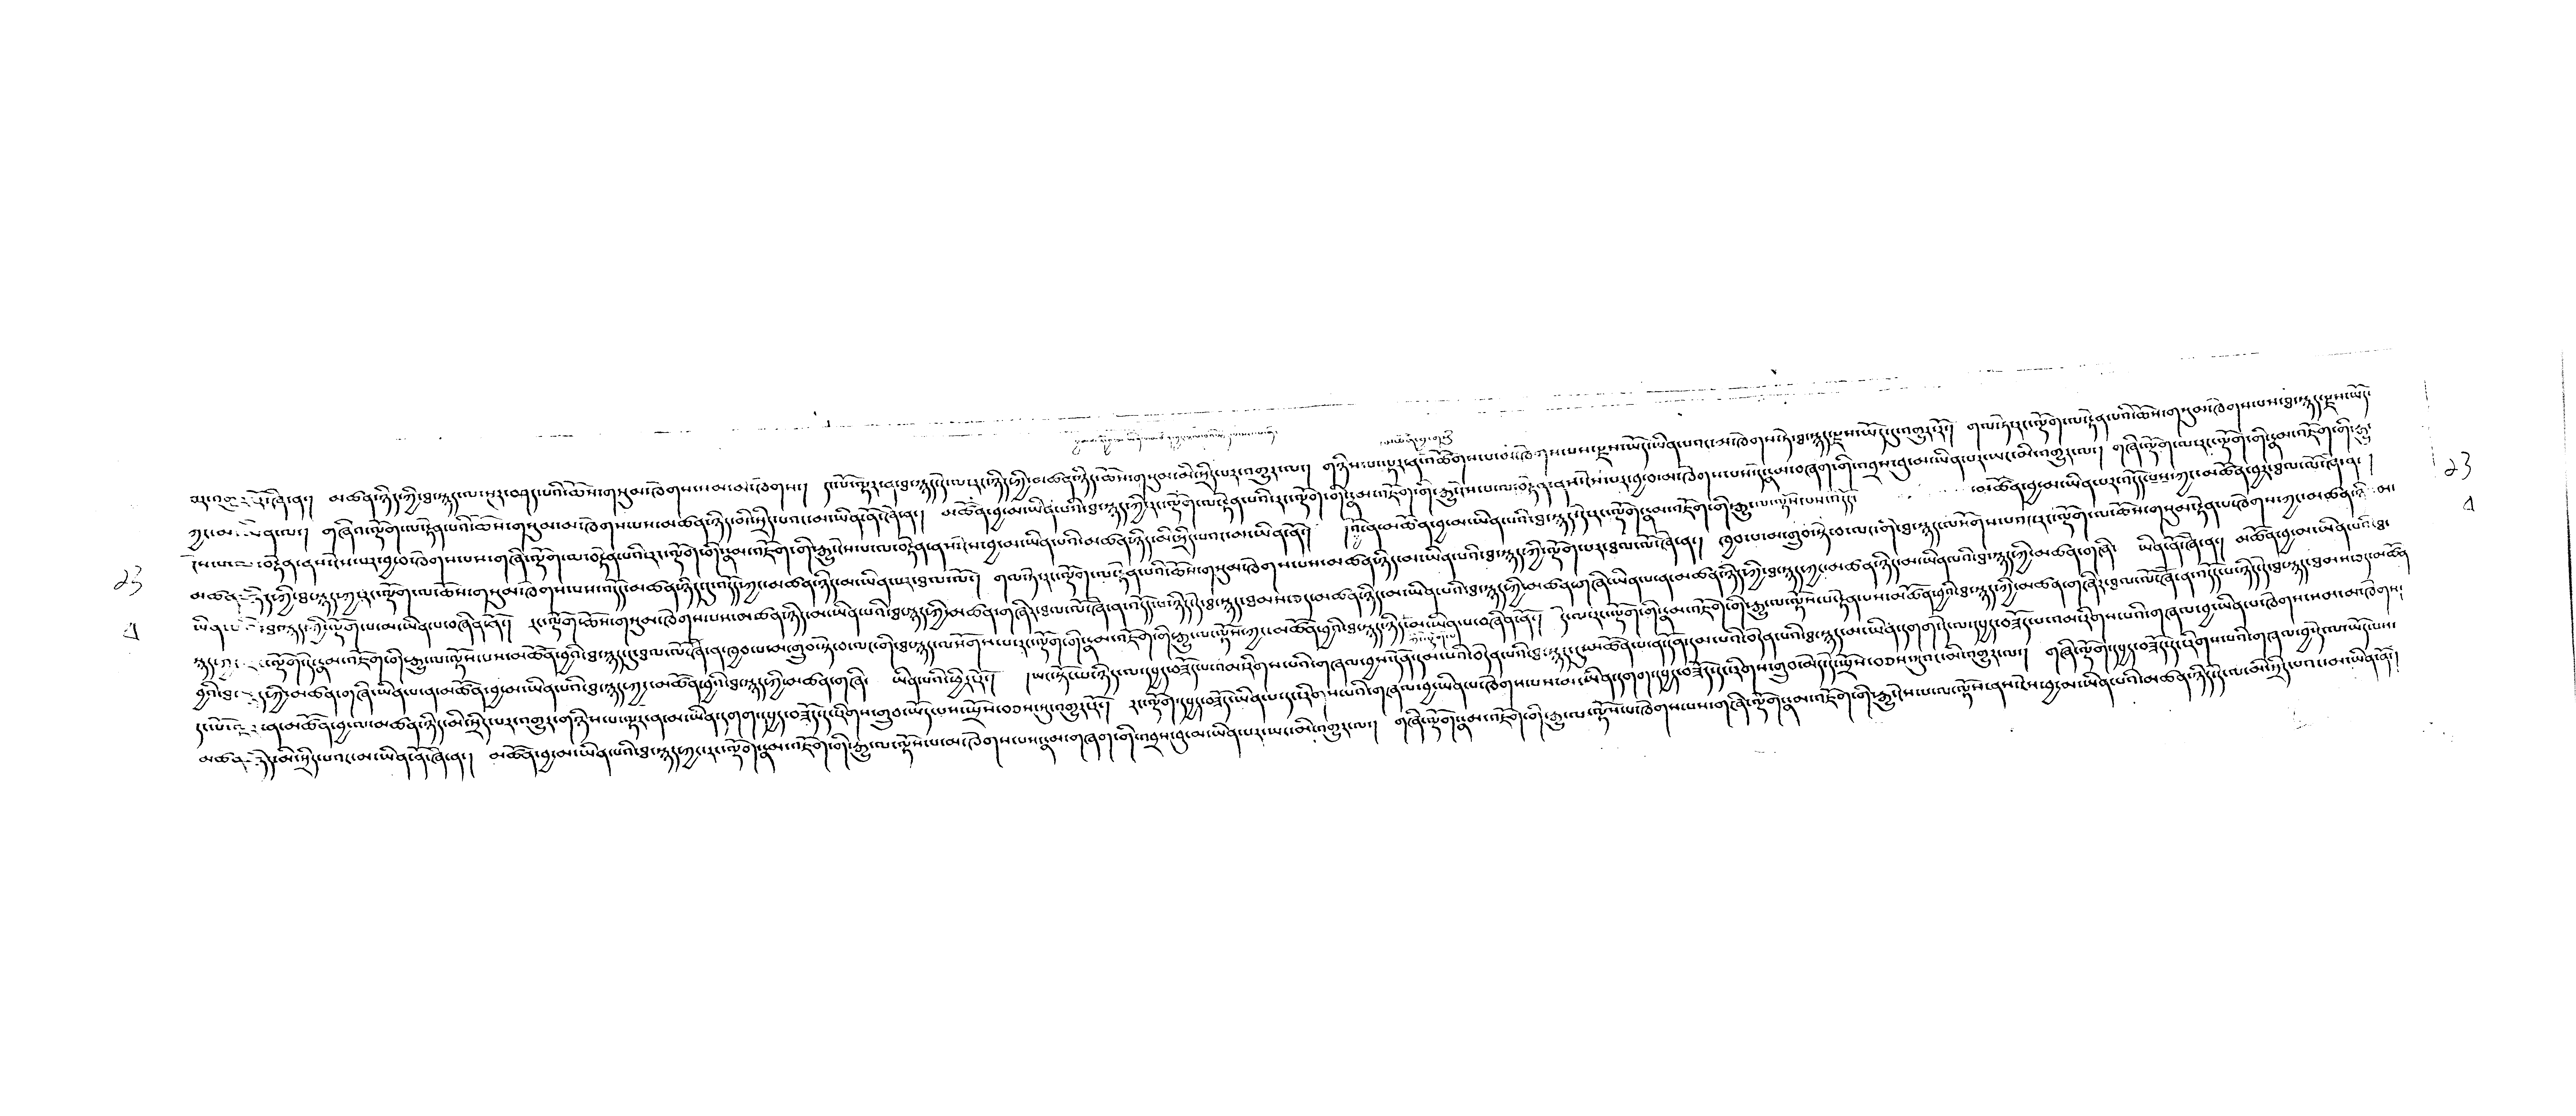བར་འགྱུར་རོ་ཞེ་ན། མཚན་ཉིད་ཀྱི་ཐ་སྙད་ལ་སྔར་བཤད་པའི་ཆོས་གསུམ་ཁེགས་སམ་མ་ཁེགས། དང་པོ་ལྟར་ན་ཐ་སྙད་དེ་ལ་རང་ཉིད་ཀྱི་མཚན་ཉིད་ཆོས་གསུམ་མི་སྲིད་པར་འགྱུར་ལ། གཉིས་པ་ལྟར་ན་མཚོན་བྱ་གསུམ་འཚོགས་པ་མ་ཁེགས་པས་རྫས་ཡོད་ཡིན་པའང་མ་ཁེགས་ཏེ་ཐ་སྙད་རྫས་ཡོད་དུ་འགྱུར་རོ། གལ་ཏེ་རང་ལྡོག་ལ་བརྟེན་པའི་ཆོས་གསུམ་ཁེགས་པས་ཐ་སྙད་རྫས་ཡོད་
ཀྱང་མ་ཡིན་ལ། གཞིའ་ལྡོག་ལ་རྟེན་པའི་ཆོས་གསུམ་མ་ཁེགས་པས་མཚན་ཉིད་མི་སྲིད་པའང་མ་ཡིན་ནོ་ཞེ་ན། མཚོན་བྱ་མ་ཡིན་པའི་ཐ་སྙད་ཀྱི་རང་ལྡོག་ལ་རྟེན་པའི་རང་ལྡོག་གི་རྣམ་འཇོག་གི་རྒྱུ་ངེས་པ་ལ་བརྟེན་ནས་ངེས་པར་བྱ་བ་མ་ཁེགས་པས་དེ་རྣམ་བཞག་གི་འབྲས་བུ་མ་ཡིན་པར་ཡང་མི་འགྱུར་ལ། གཞི་ལྡོག་མ་རང་ལྡོག་གི་རྣམ་འཇོག་གི་རྒྱུ་
ངེས་པ་མ་བརྟེན་ནས་ངེས་པར་བྱ་བ་ཁེགས་པས་གཞི་ལྡོག་མ་བརྟེན་པའི་རང་ལྡོག་གི་རྣམ་འཇོག་གི་རྒྱུ་ངེས་པ་ལ་བརྟེན་ནས་ངེས་བྱ་མ་ཡིན་པའི་མཚན་ཉིད་མི་སྲིད་པའང་མ་ཡིན་ནོ། །འོ་ན་མཚོན་བྱ་མ་ཡིན་པའི་ཐ་སྙད་དེ་རང་ལྡོག་རྣམ་འཇོག་གི་རྒྱུ་ལ་ལྟོས་པས་འདོད་མཚོན་བྱ་མ་ཡིན་པར་འདོད་པས་ཀྱང་མཚོན་བྱར་ཐལ་མོ་ཞེ་ན།
མཚན་ཉིད་ཀྱི་ཐ་སྙད་ཀྱང་རང་ལྡོག་ལ་ཆོས་གསུམ་ཁེགས་པས་འདོད་མཚན་ཉིད་དུ་འདོད་ཀྱང་མཚན་ཉིད་མ་ཡིན་པར་ཐལ་ལོ། །གལ་ཏེ་རང་ལྡོག་ལ་རྟེན་པའི་ཆོས་གསུམ་ཁེགས་པས་མཚན་ཉིད་མ་ཡིན་པའི་ཐ་སྙད་ཀྱི་ལྡོག་པར་ཐལ་ལོ་ཞེ་ན། ཁྱབ་པ་མ་གྲུབ་སྟེ་བ་ལང་གི་ཐ་སྙད་ལ་སོགས་པའང་རང་ལྡོག་ལ་ཆོས་གསུམ་རྟེན་པས་ཁེགས་ཀྱང་མཚན་ཉིད་མ་
ཡིན་པའི་ཐ་སྙད་ཀྱི་ལྡོག་པ་མ་ཡིན་པ་བཞིན་ནོ། རང་ལྡོག་ཆོས་གསུམ་ཁེགས་པས་མཚན་ཉིད་མ་ཡིན་པའི་ཐ་སྙད་ཀྱི་མཚན་གཞིར་ཐལ་ལོ་ཞེ་ན་འདོད་པ་ཉིད་དེ་ཐ་སྙད་ཐམས་ཅད་མཚན་ཉིད་མ་ཡིན་པའི་ཐ་སྙད་ཀྱི་མཚན་གཞི་ཡིན་པ་ན་མཚན་ཉིད་ཀྱི་ཐ་སྙད་ཀྱང་མཚན་ཉིད་མ་ཡིན་པའི་ཐ་སྙད་ཀྱི་མཚན་གཞི་ཡིན་ནོ་ཞེ་ན། མཚོན་བྱ་མ་ཡིན་པའི་ཐ་
སྙད་ཀྱང་རང་ལྡོག་དེ་རྣམ་འཇོག་གི་རྒྱུ་ལ་ལྟོས་པས་མཚོན་བྱའི་ཐ་སྙད་དུ་ཐལ་ལོ་ཞེ་ན་ཁྱབ་པ་མ་གྲུབ་སྟེ་བ་ལང་གི་ཐ་སྙད་ལ་སོག་པ་རང་ལྡོག་གི་རྣམ་འཇོག་གི་རྒྱུ་ལ་ལྟོས་ཀྱང་མཚོན་བྱའི་ཐ་སྙད་ཉིད་ཀྱང་ལྡོག་པ་མ་ཡིན་པ་བཞིན་ནོ། དེ་ལ་རང་ལྡོག་གི་རྣམ་འཇོག་གི་རྒྱུ་ལ་ལྟོས་པ་རྟེན་པས་མཚོན་བྱའི་ཐ་སྙད་ཀྱི་མཚན་གཞིར་ཐལ་ལོ་ཞེ་ན་འདོད་པ་ཉིད་དེ་ཐ་སྙད་ཐམས་ཅད་མཚོན་
བྱའི་ཐ་སྙད་ཀྱི་མཚན་གཞི་ཡིན་པ་ན་མཚོན་བྱ་མ་ཡིན་པའི་ཐ་སྙད་ཀྱང་མཚོན་བྱའི་ཐ་སྙད་ཀྱི་མཚན་གཞི་ཡིན་པའི་ཕྱིར་རོ། །ཡང་སྟོང་པ་ཉིད་ལ་དཔྱད་བཟོད་པ་འམ་རིགས་པའི་གཞལ་བྱས་དོན་དམ་པའི་བདེན་པའི་ཐ་སྙད་དུ་མཚོན་པ་ན་དོན་དམ་པའི་བདེན་པའི་ཐ་སྙད་མ་ཡིན་དགག་དེ་ལ་དཔྱད་བཟོད་པ་འམ་རིགས་པའི་གཞལ་བྱ་ཡིན་པ་ཁེགས་སམ་མ་ཁེགས།
དང་པོ་ལྟར་ན་མཚོན་བྱ་ལ་མཚན་ཉིད་མི་སྲིད་པར་འགྱུར་གཉིས་པ་ལྟར་ན་མ་ཡིན་དགག་དཔྱད་བཟོད་དང་རིགས་གྲུབ་ཡོད་པས་སྤྲོས་བཅས་སུ་འགྱུར་རོ། རང་ལྡོག་དཔྱད་བཟོད་ཡིན་པ་དང་རིག་པའི་གཞལ་བྱ་ཡིན་པ་ཁེགས་པས་མ་ཡིན་དགག་དཔྱད་བཟོད་དང་རིགས་གྲུབ་མེད་དེ་སྤྲོས་བཅས་སུའང་མི་འགྱུར་ལ། གཞི་ལྡོག་དཔྱད་བཟོད་དང་རིགས་པའི་གཞལ་བྱ་དེ་ལ་ཡོད་པས་
མཚན་ཉིད་མི་སྲིད་པའང་མ་ཡིན་ནོ་ཞེ་ན། མཚོན་བྱ་མ་ཡིན་པའི་ཐ་སྙད་ཀྱང་རང་ལྡོག་རྣམ་འཇོག་གི་རྒྱུ་ལ་ལྟོས་པ་མ་ཁེགས་པས་རྣམ་གཞག་གི་འབྲས་བུ་མ་ཡིན་པར་ཡང་མི་འགྱུར་ལ། གཞི་ལྡོག་རྣམ་འཇོག་གི་རྒྱུ་ལ་ལྟོས་པ་ཁེགས་པས་གཞི་ལྡོག་རྣམ་འཇོག་གི་རྒྱུ་ངེས་པ་ལ་ལྟོས་ནས་ངེས་བྱ་མ་ཡིན་པའི་མཚན་ཉིད་དེ་ལ་མི་རིད་པའང་མ་ཡིན་ནོ།